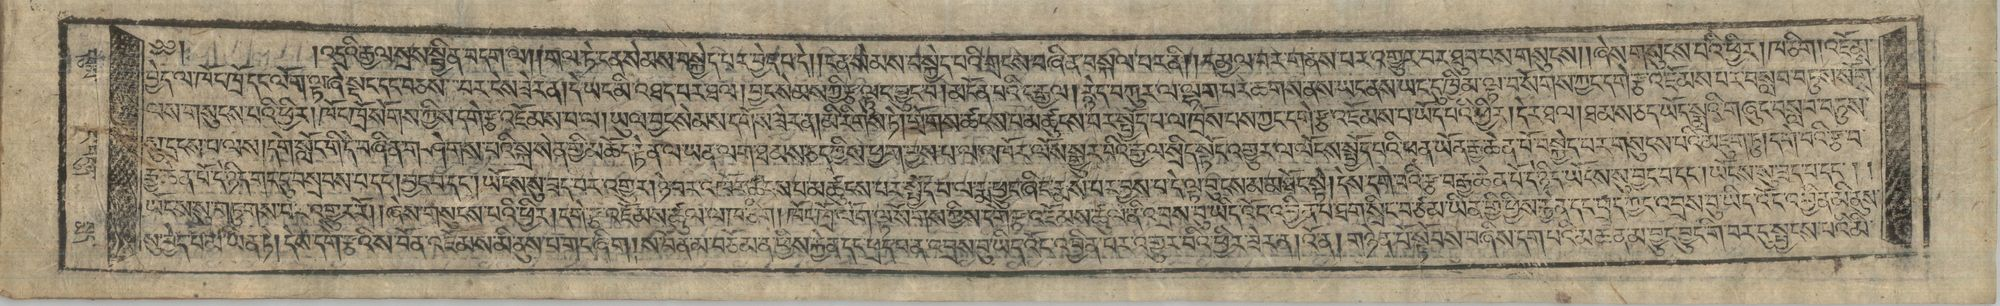༄༅། །འདྲའི་རྒྱལ་སྲས་སྦྱིན་བདག་ལ། །གལ་ཏེ་ངན་སེམས་བསྐྱེད་པར་བྱེད་པ་དེ། །ངན་སེམས་བསྐྱེད་པའི་གྲངས་བཞིན་བསྐལ་བར་ནི། །དམྱལ་བར་གནས་པར་འགྱུར་བར་ཐུབ་པས་གསུངས། །ཞེས་གསུངས་པའི་ཕྱིར། ཁ་ཅིག །འཇོམས་
བྱེད་ལ་ཁོང་ཁྲོ་དང་ལོག་ལྟ་ཞེ་སྡང་དང་བཅས་པར་ངེས་ཟེར་ན། དེ་ཡང་མི་འཐད་པར་ཐལ། བྱང་སེམས་ཀྱི་རྩ་ལྟུང་བྱུང་བ། མངོན་པའི་ང་རྒྱལ། རྙེད་བཀུར་ལ་ལྷག་པར་ཆགས་ནས་ཡང་ནས་ཡང་དུ་ཁྱིམ་ལྟ་བ་སོགས་ཀྱང་དགེ་རྩ་འཇོམས་པར་བསླབ་བཏུས་སོགས་
ལས་གསུངས་པའི་ཕྱིར། ཁོང་ཁྲོ་སོགས་ཀྱིས་དགེ་རྩ་འཇོམས་པ་ལ། ཡུལ་བྱང་སེམས་དགོས་ཟེར་ན། མི་རིགས་ཏེ། གྲོགས་ཚངས་པ་མཚུངས་པར་སྤྱོད་པ་ལ་ཁྲོས་པས་ཀྱང་དགེ་རྩ་འཇོམས་པ་ཡོད་པའི་ཕྱིར། དེར་ཐལ། ཐམས་ཅད་ཡོད་སྨྲའི་གཞུང་བསླབ་བཏུས་
སུ་དྲངས་པ་ལས། དགེ་སློང་གི་དེ་བཞིན་གཤེགས་པའི་སྐྲ་སེན་གྱི་མཆོད་རྟེན་ལ་ཡན་ལག་ཐམས་ཅད་ཀྱིས་ཕྱག་བྱས་པ་ལ་འཁོར་ལོས་སྒྱུར་བའི་རྒྱལ་སྲིད་སྟོང་འགྱུར་ལ་ལོངས་སྤྱོད་པའི་ཕན་ཡོན་རྒྱ་ཆེན་པོ་བསྐྱེད་པར་གསུངས་པའི་མཇུག་ཏུ། དགེ་བའི་རྩ་བ་
རྒྱ་ཆེན་པོ་དེ་ཉིད་གང་དུ་བསྲབས་པ་དང་། བྱང་བ་དང་། ཡོངས་སུ་ཟད་པར་འགྱུར། ཉེ་བར་འཁོར་ཚངས་པ་མཚུངས་པར་སྤྱོད་པ་ལ་རྨ་ཕྱུང་ཞིང་རྨས་པར་བྱས་པ་དེ་ལྟ་བུ་ངས་མ་མཐོང་སྟེ། དེས་དགེ་བའི་རྩ་བ་རྒྱ་ཆེན་པོ་དེ་ཉིད་ཡོངས་སུ་བྱང་བ་དང་། ཡོངས་སུ་ཟད་པ་དང་། །
ཡོངས་སུ་གཏུགས་པར་འགྱུར་རོ། །ཞེས་གསུངས་པའི་ཕྱིར། དགེ་རྩ་འཇོམས་ཚུལ་ལ་ཁ་ཅིག །ཁོང་ཁྲོ་ལོག་ལྟ་སོགས་ཀྱིས་དགེ་རྩ་འཇོམས་ཚུལ་ནི་འབྲས་བུ་ཡིད་འོང་འབྱིན་པ་ཐག་སྲིང་བ་ཙམ་ཡིན་གྱི་ཕྱིས་རྐྱེན་དང་ཕྲད་ཀྱང་འབྲས་བུ་ཡིད་འོང་འབྱིན་མི་ནུས་
སུ་བྱེད་པ་མ་ཡིན་ཏེ། དེས་དགེ་རྩའི་ས་བོན་འཇོམས་མི་ནུས་པ་གང་ཞིག །ས་བོན་མ་བཅོམ་ན་ཕྱིས་རྐྱེན་དང་ཕྲད་པ་ན་འབྲས་བུ་ཡིད་འོང་འབྱིན་པར་འགྱུར་བའི་ཕྱིར་ཟེར་ན། འོ་ན། གཉེན་པོ་སྟོབས་བཞིས་དག་པའི་མཚན་མ་བྱུང་བྱུང་གི་བར་དུ་སྦྱངས་པའི་མི་